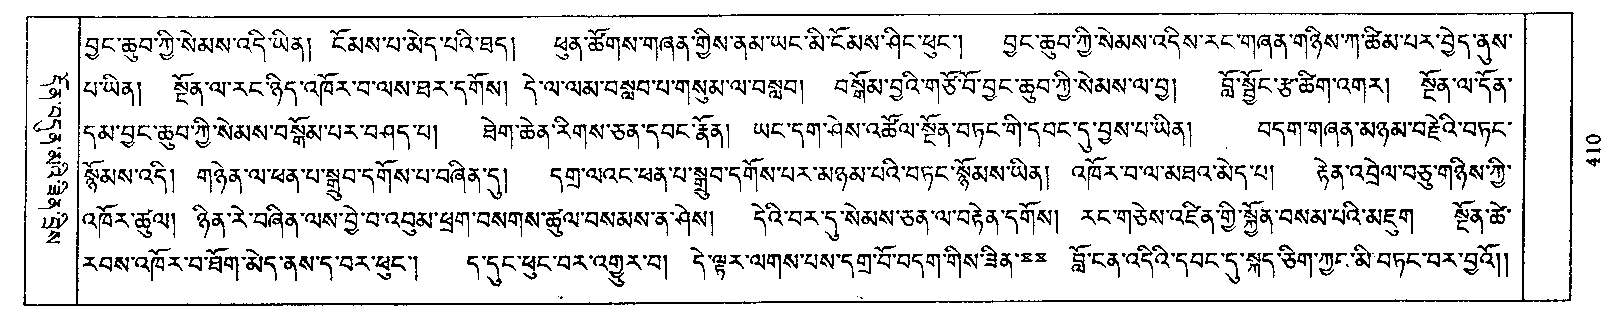བྱང་ཆུབ་ཀྱི་སེམས་འདི་ཡིན། ངོམས་པ་མེད་པའི་ཐད། ཕུན་ཚོགས་གཞན་གྱིས་ནམ་ཡང་མི་ངོམས་ཤིང་ཕུང་། བྱང་ཆུབ་ཀྱི་སེམས་འདིས་རང་གཞན་གཉིས་ཀ་ཚིམ་པར་བྱེད་ནུས་
པ་ཡིན། སྔོན་ལ་རང་ཉིད་འཁོར་བ་ལས་ཐར་དགོས། དེ་ལ་ལམ་བསླབ་པ་གསུམ་ལ་བསླབ། བསྒོམ་བྱའི་གཙོ་བོ་བྱང་ཆུབ་ཀྱི་སེམས་ལ་བྱ། བློ་སྦྱོང་རྩ་ཚིག་འགར། སྔོན་ལ་དོན་
དམ་བྱང་ཆུབ་ཀྱི་སེམས་བསྒོམ་པར་བཤད་པ། ཐེག་ཆེན་རིགས་ཅན་དབང་རྣོན། ཡང་དག་ཤེས་འཚོལ་སྔོན་བཏང་གི་དབང་དུ་བྱས་པ་ཡིན། བདག་གཞན་མཉམ་བརྗེའི་བཏང་
སྙོམས་འདི། གཉེན་ལ་ཕན་པ་སྒྲུབ་དགོས་པ་བཞིན་དུ། དགྲ་ལའང་ཕན་པ་སྒྲུབ་དགོས་པར་མཉམ་པའི་བཏང་སྙོམས་ཡིན། འཁོར་བ་ལ་མཐའ་མེད་པ། རྟེན་འབྲེལ་བཅུ་གཉིས་ཀྱི་
འཁོར་ཚུལ། ཉིན་རེ་བཞིན་ལས་བྱེ་བ་འབུམ་ཕྲག་བསགས་ཚུལ་བསམས་ན་ཤེས། དེའི་བར་དུ་སེམས་ཅན་ལ་བརྟེན་དགོས། རང་གཅེས་འཛིན་གྱི་སྐྱོན་བསམ་པའི་མཇུག་སྔོན་ཚེ་
རབས་འཁོར་བ་ཐོག་མེད་ནས་ད་བར་ཕུང་། ད་དུང་ཕུང་བར་འགྱུར་བ། དེ་ལྟར་ལགས་པས་དགྲ་བོ་བདག་གིས་ཟིན་྾་྾་བློ་ངན་འདིའི་དབང་དུ་སྐད་ཅིག་ཀྱང་མི་བཏང་བར་བྱའོ།།